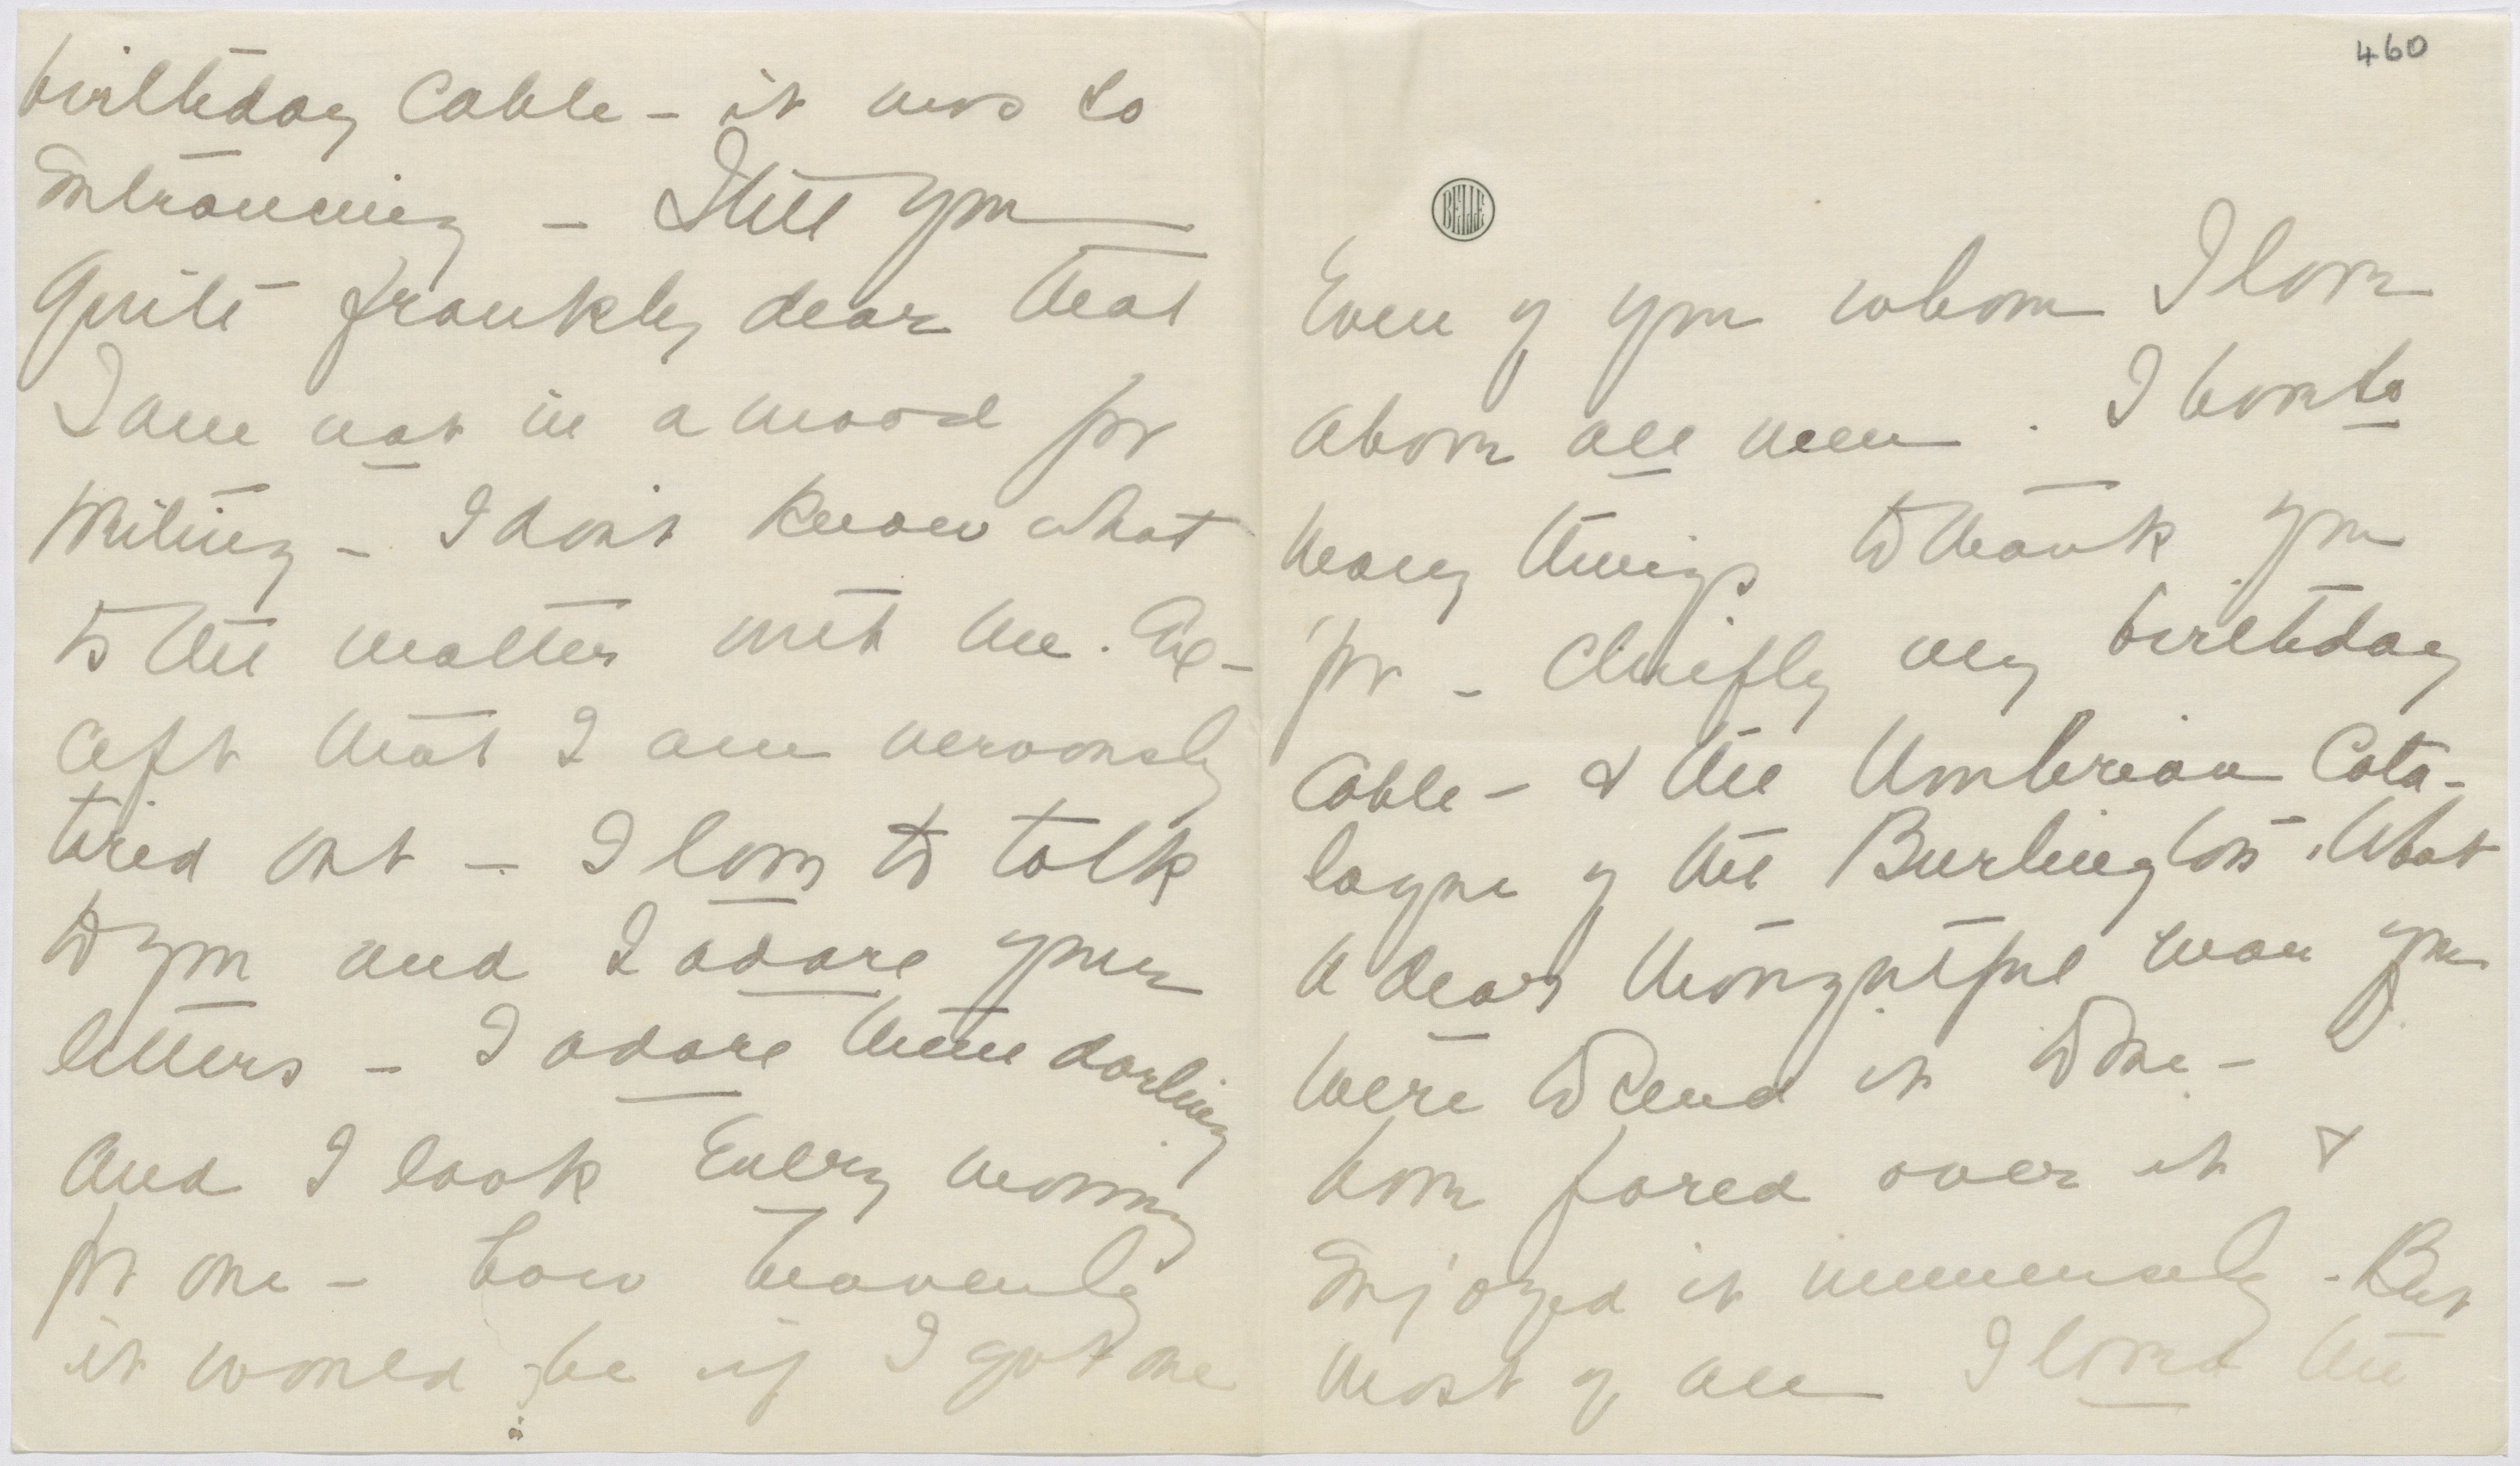even of you whom I love above all men. I have so many things to thank you for – chiefly my birthday cable – & the Umbrian Catalogue of the Burlington. What a dear thoughtful man you were to send it to me – I have pored over it & enjoyed it immensely. But most of all I loved the
birthday cable – it was so entrancing – I tell you quite frankly dear that I am not in a mood for writing – I don’t know what is the matter with me. except that I am nervously tired out – I love to talk to you and I adore your letters – I adore them darling and I look every morning for one – how heavenly it would be if I got one